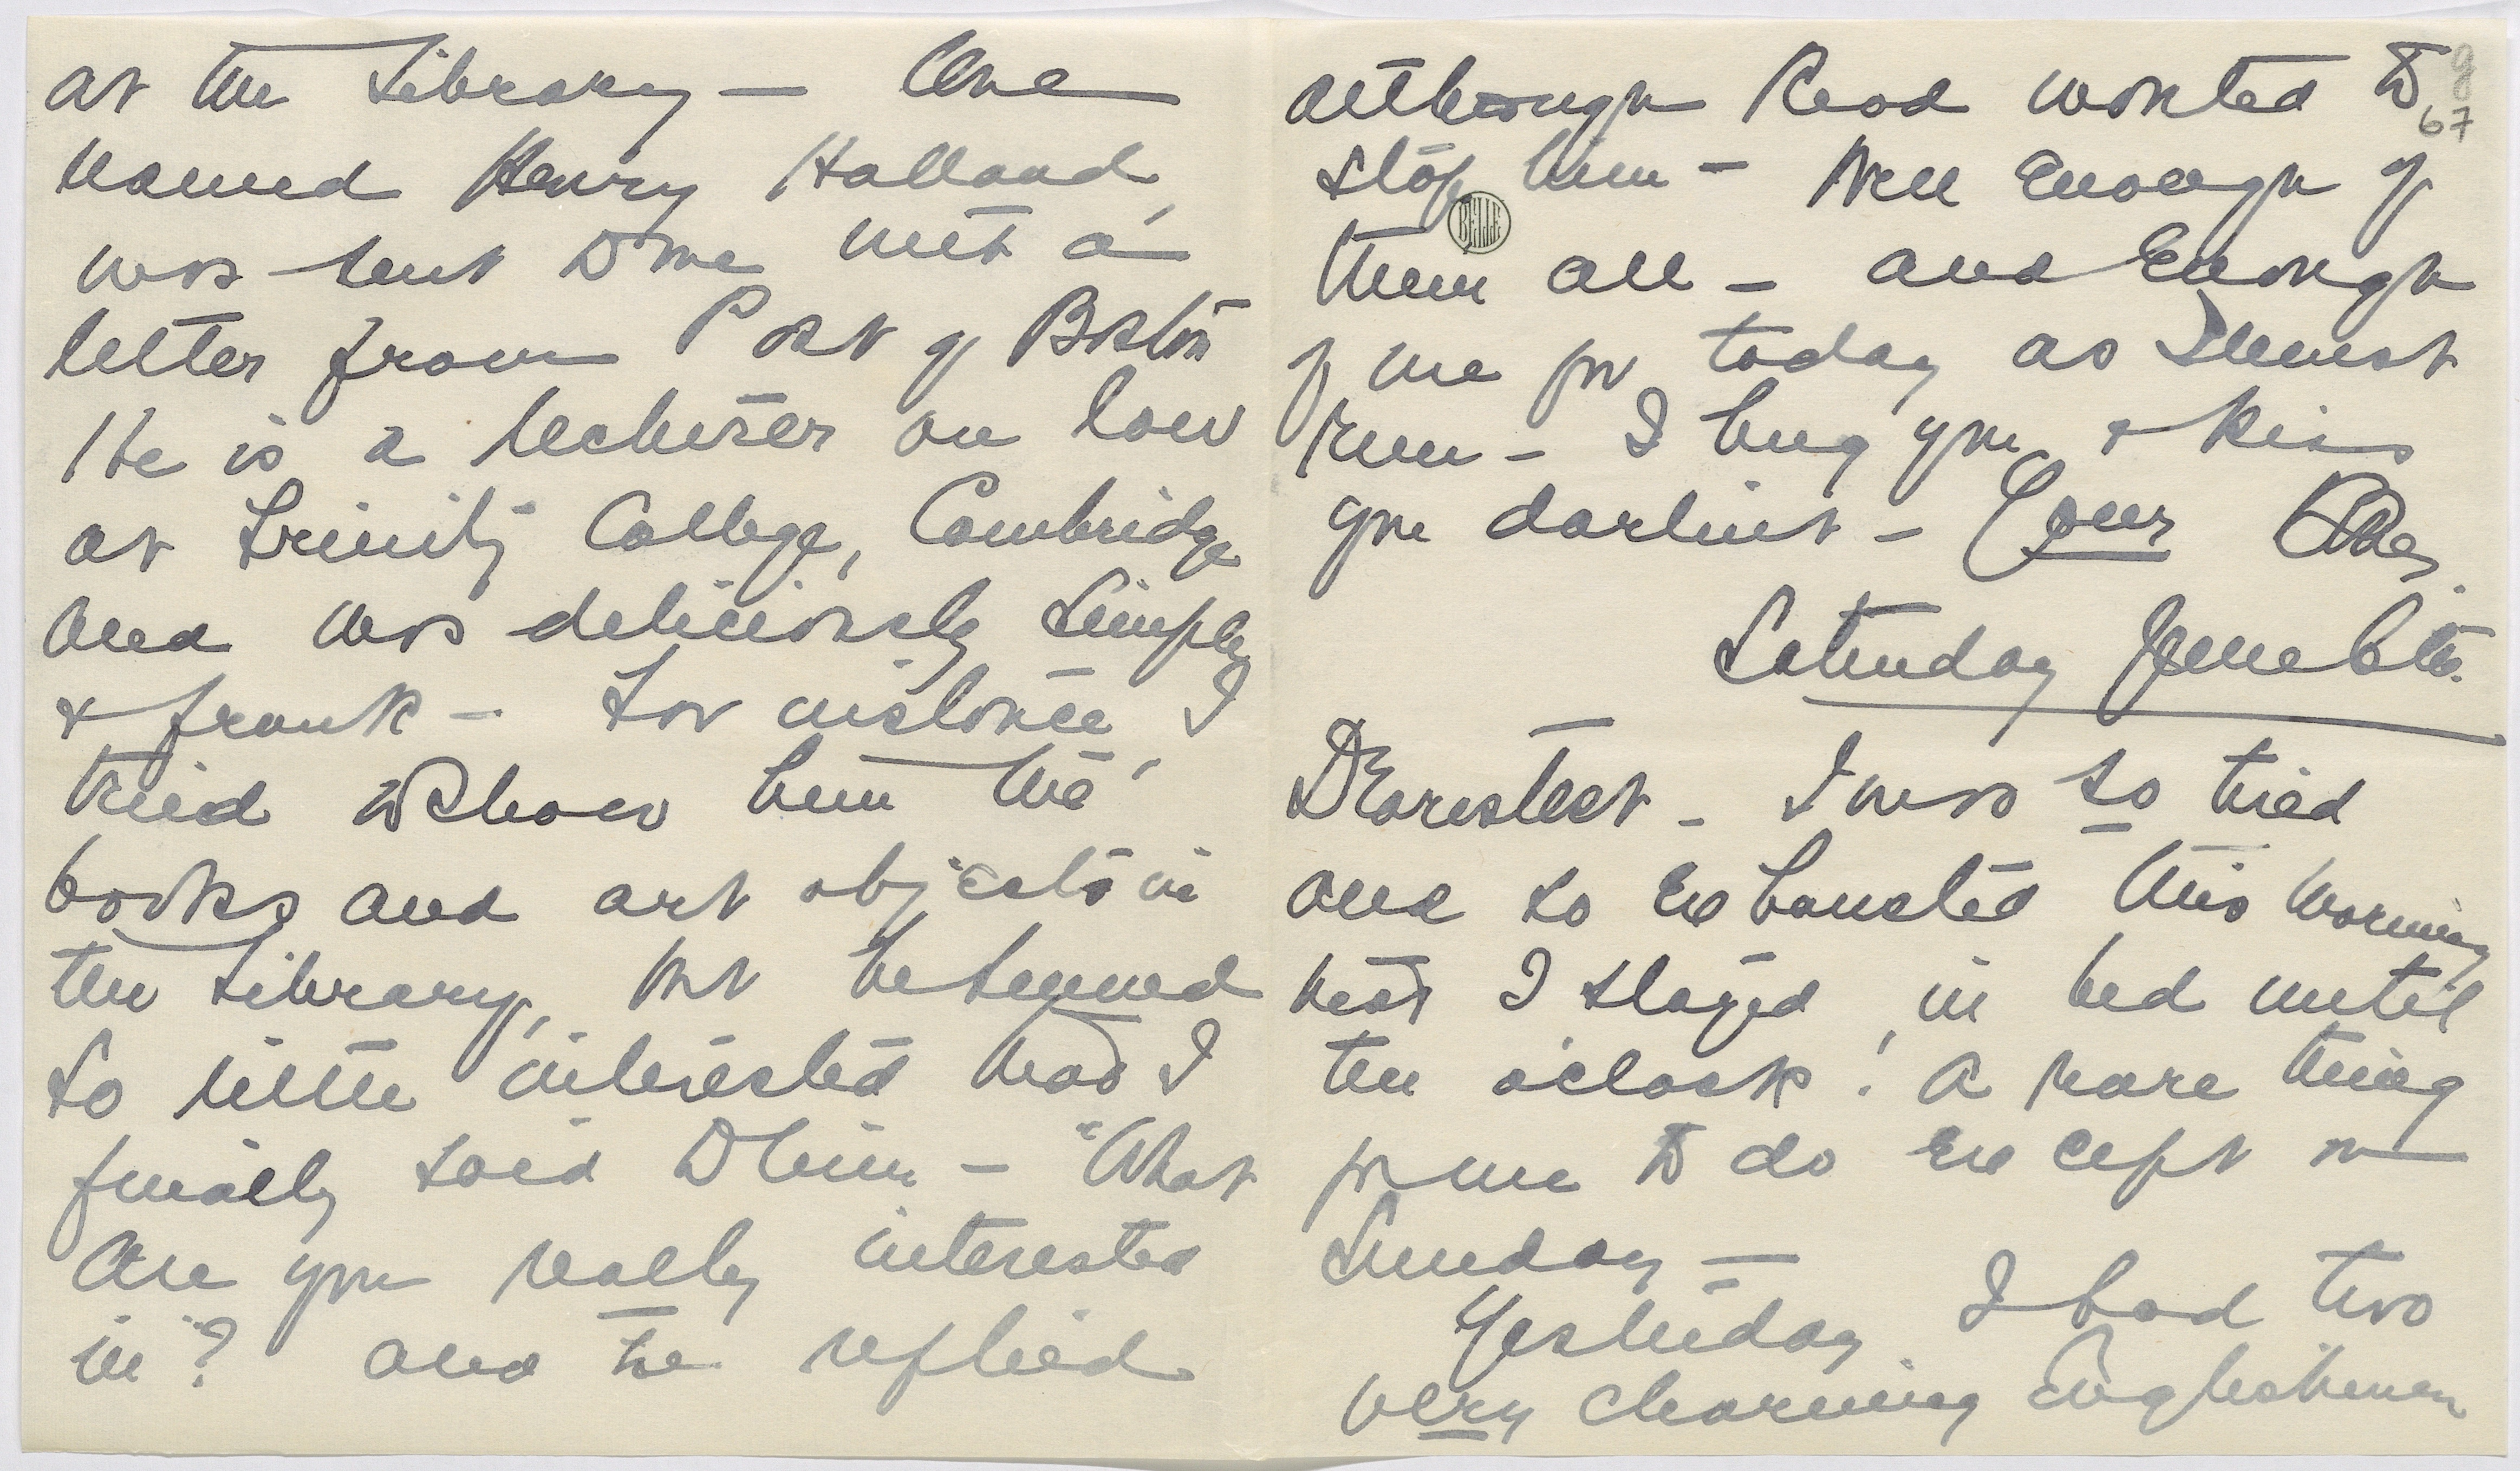although Read wanted to stop him – Well enough of them all – and enough of me for today as I must run – I hug you & kiss you darlint – Your Belle.
Saturday June 6th
Dearestest – I was so tired and so exhausted this morning that I stayed in bed until ten o’clock! A rare thing for me to do except on Sunday –
Yesterday I had two very charming Englishmen
at the Library – One named Henry Holland was sent to me with a letter from Post of Boston He is a lecturer on law at Trinity College, Cambridge and was deliciously simple & frank – For instance I tried to show him the books and art objects in the Library, but he seemed so little interested that I finally said to him – “What are you interested in”? and he replied